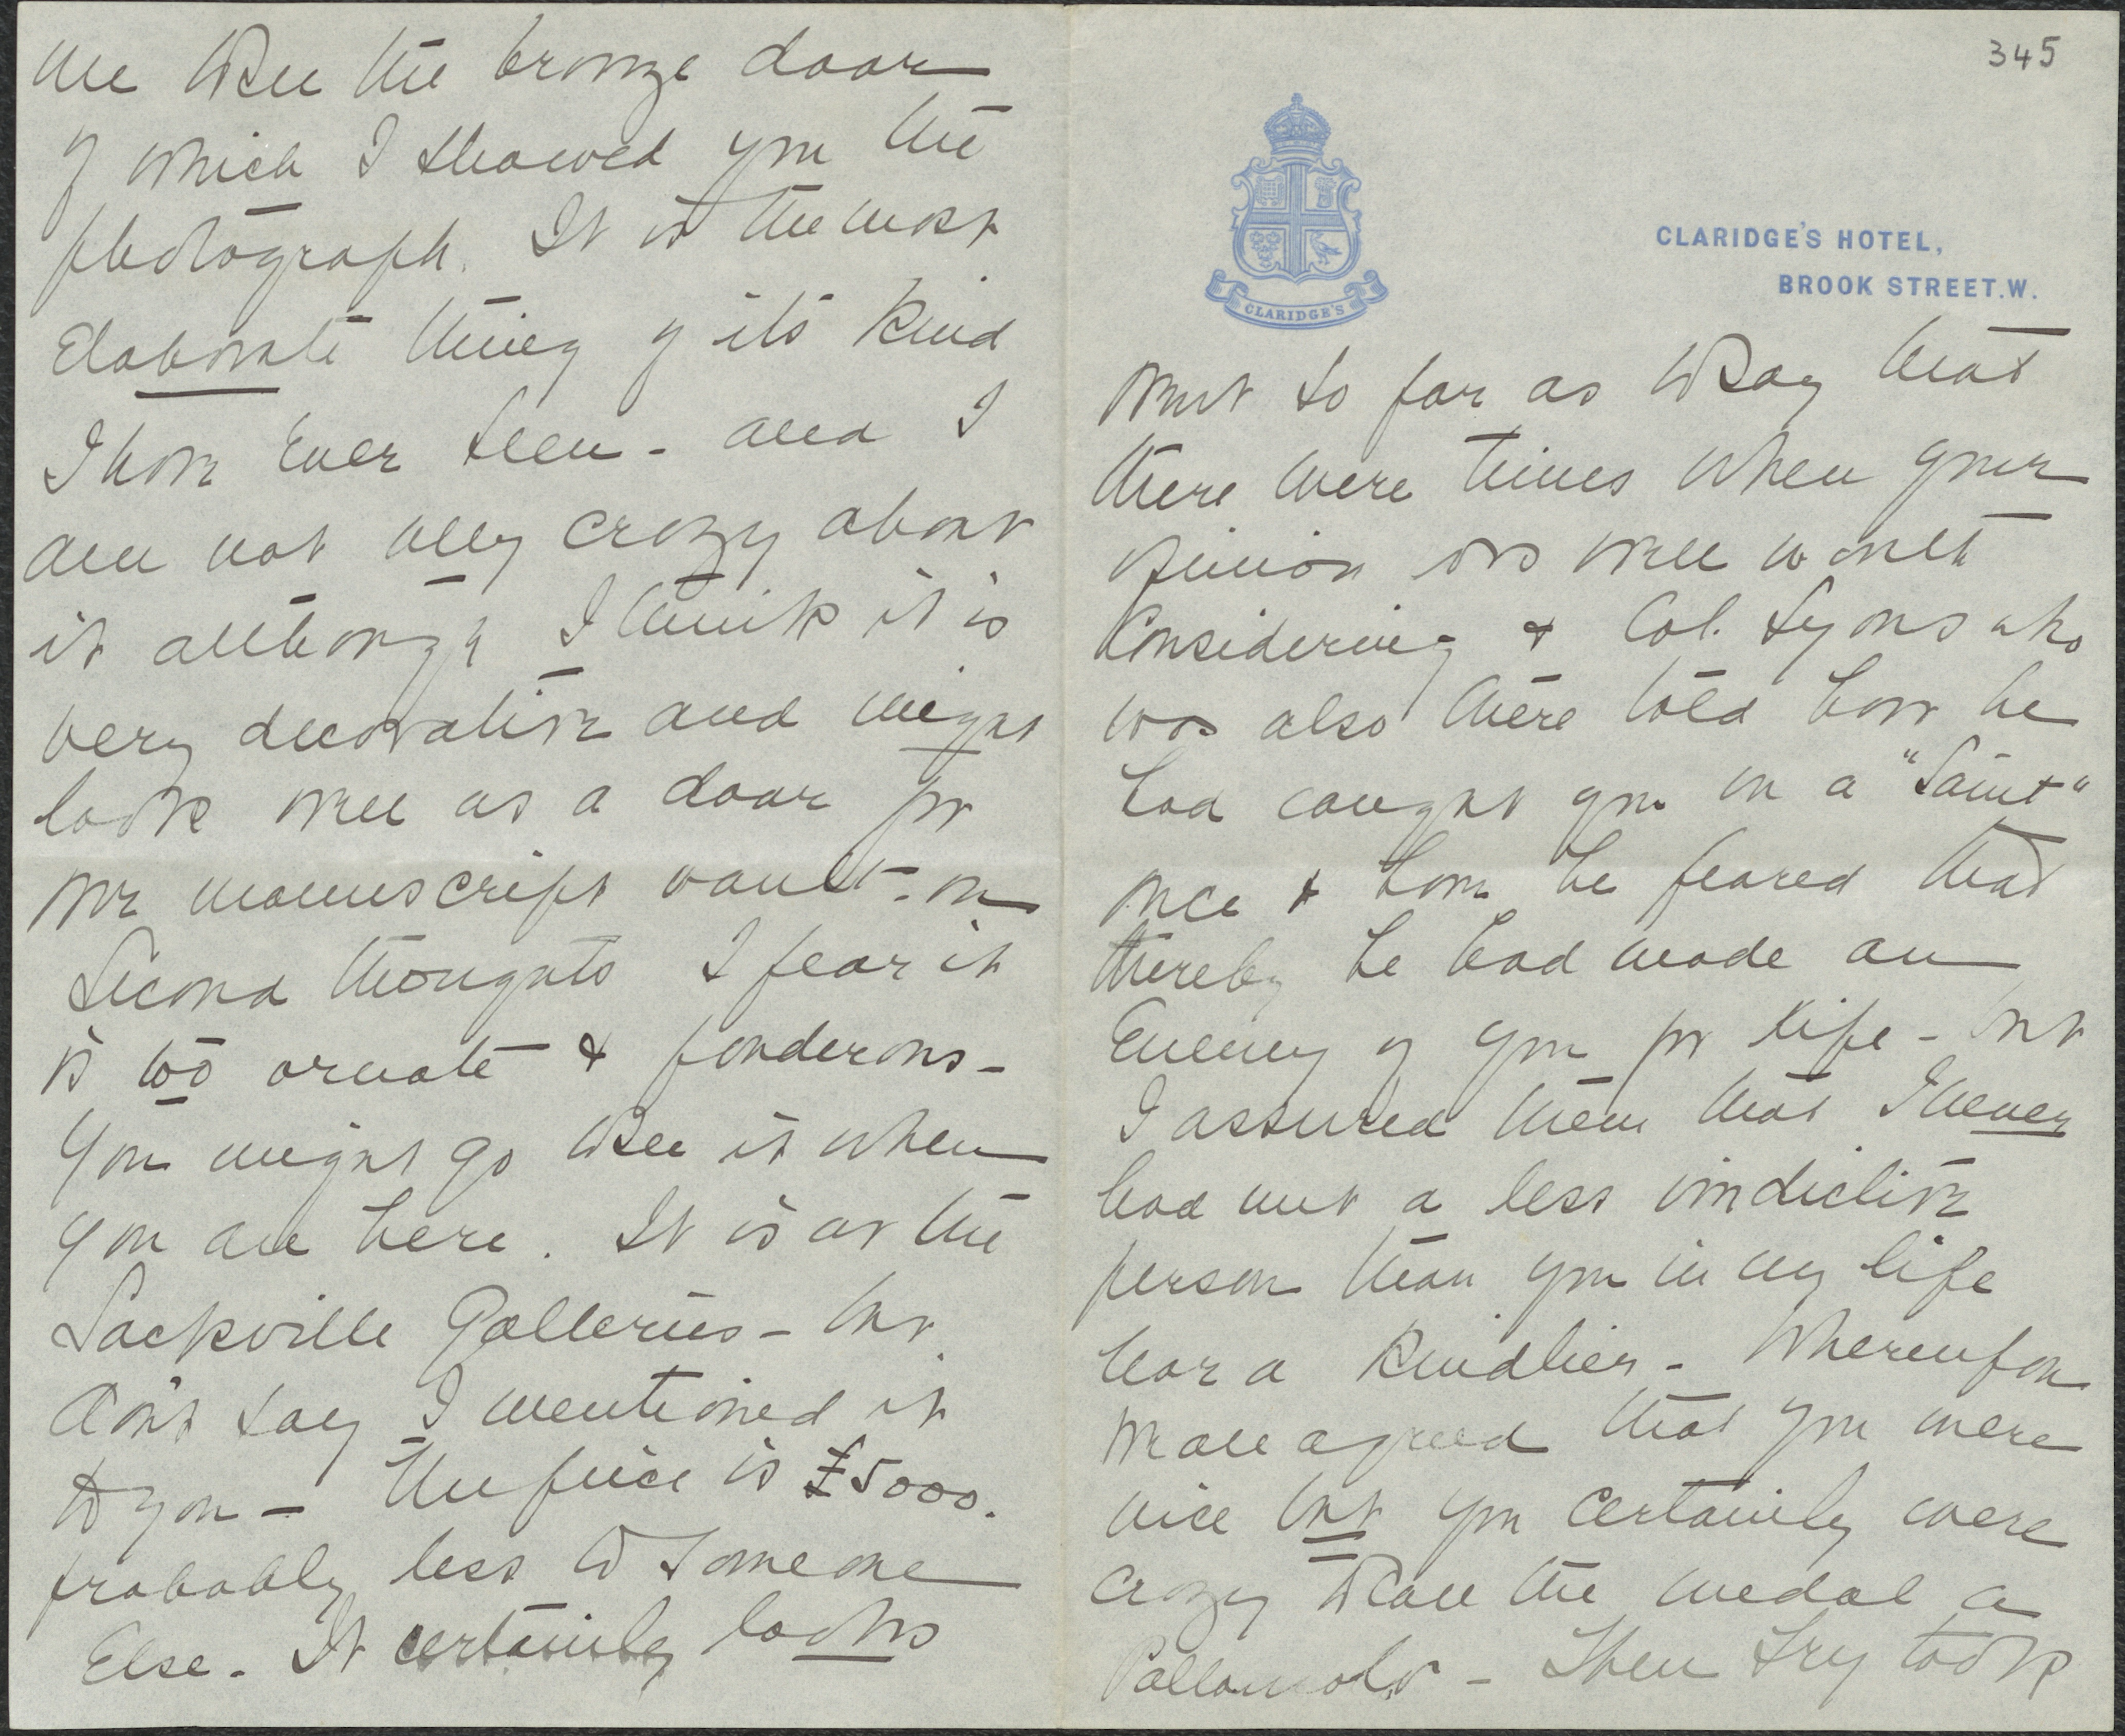went so far as to say that there were times when your opinion well worth considering & Col. Lyons who was also there told how he had caught you on a “Saint” once & how he feared that thereby he had made an enemy of you for life – but I assured them that I never had met a less vindictive person than you in my life nor a kindlier – Whereupon we all agreed that you were nice [double underlined: but] you certainly were crazy to call the medal a Pollaiuolo – Then Fry took
me to see the bronze door of which I showed you the photograph. It is the most elaborate thing of its kind I have ever seen – and I am not very crazy about it although I think it is very decorative and might look well as a door for our manuscript vault. on second thoughts I fear it is too ornate & ponderous – You might go to see it when you are here. It is at the Sackville Galleries – but don’t say I mentioned it to you – The price is £5000. probably less to someone else. It certainly looks